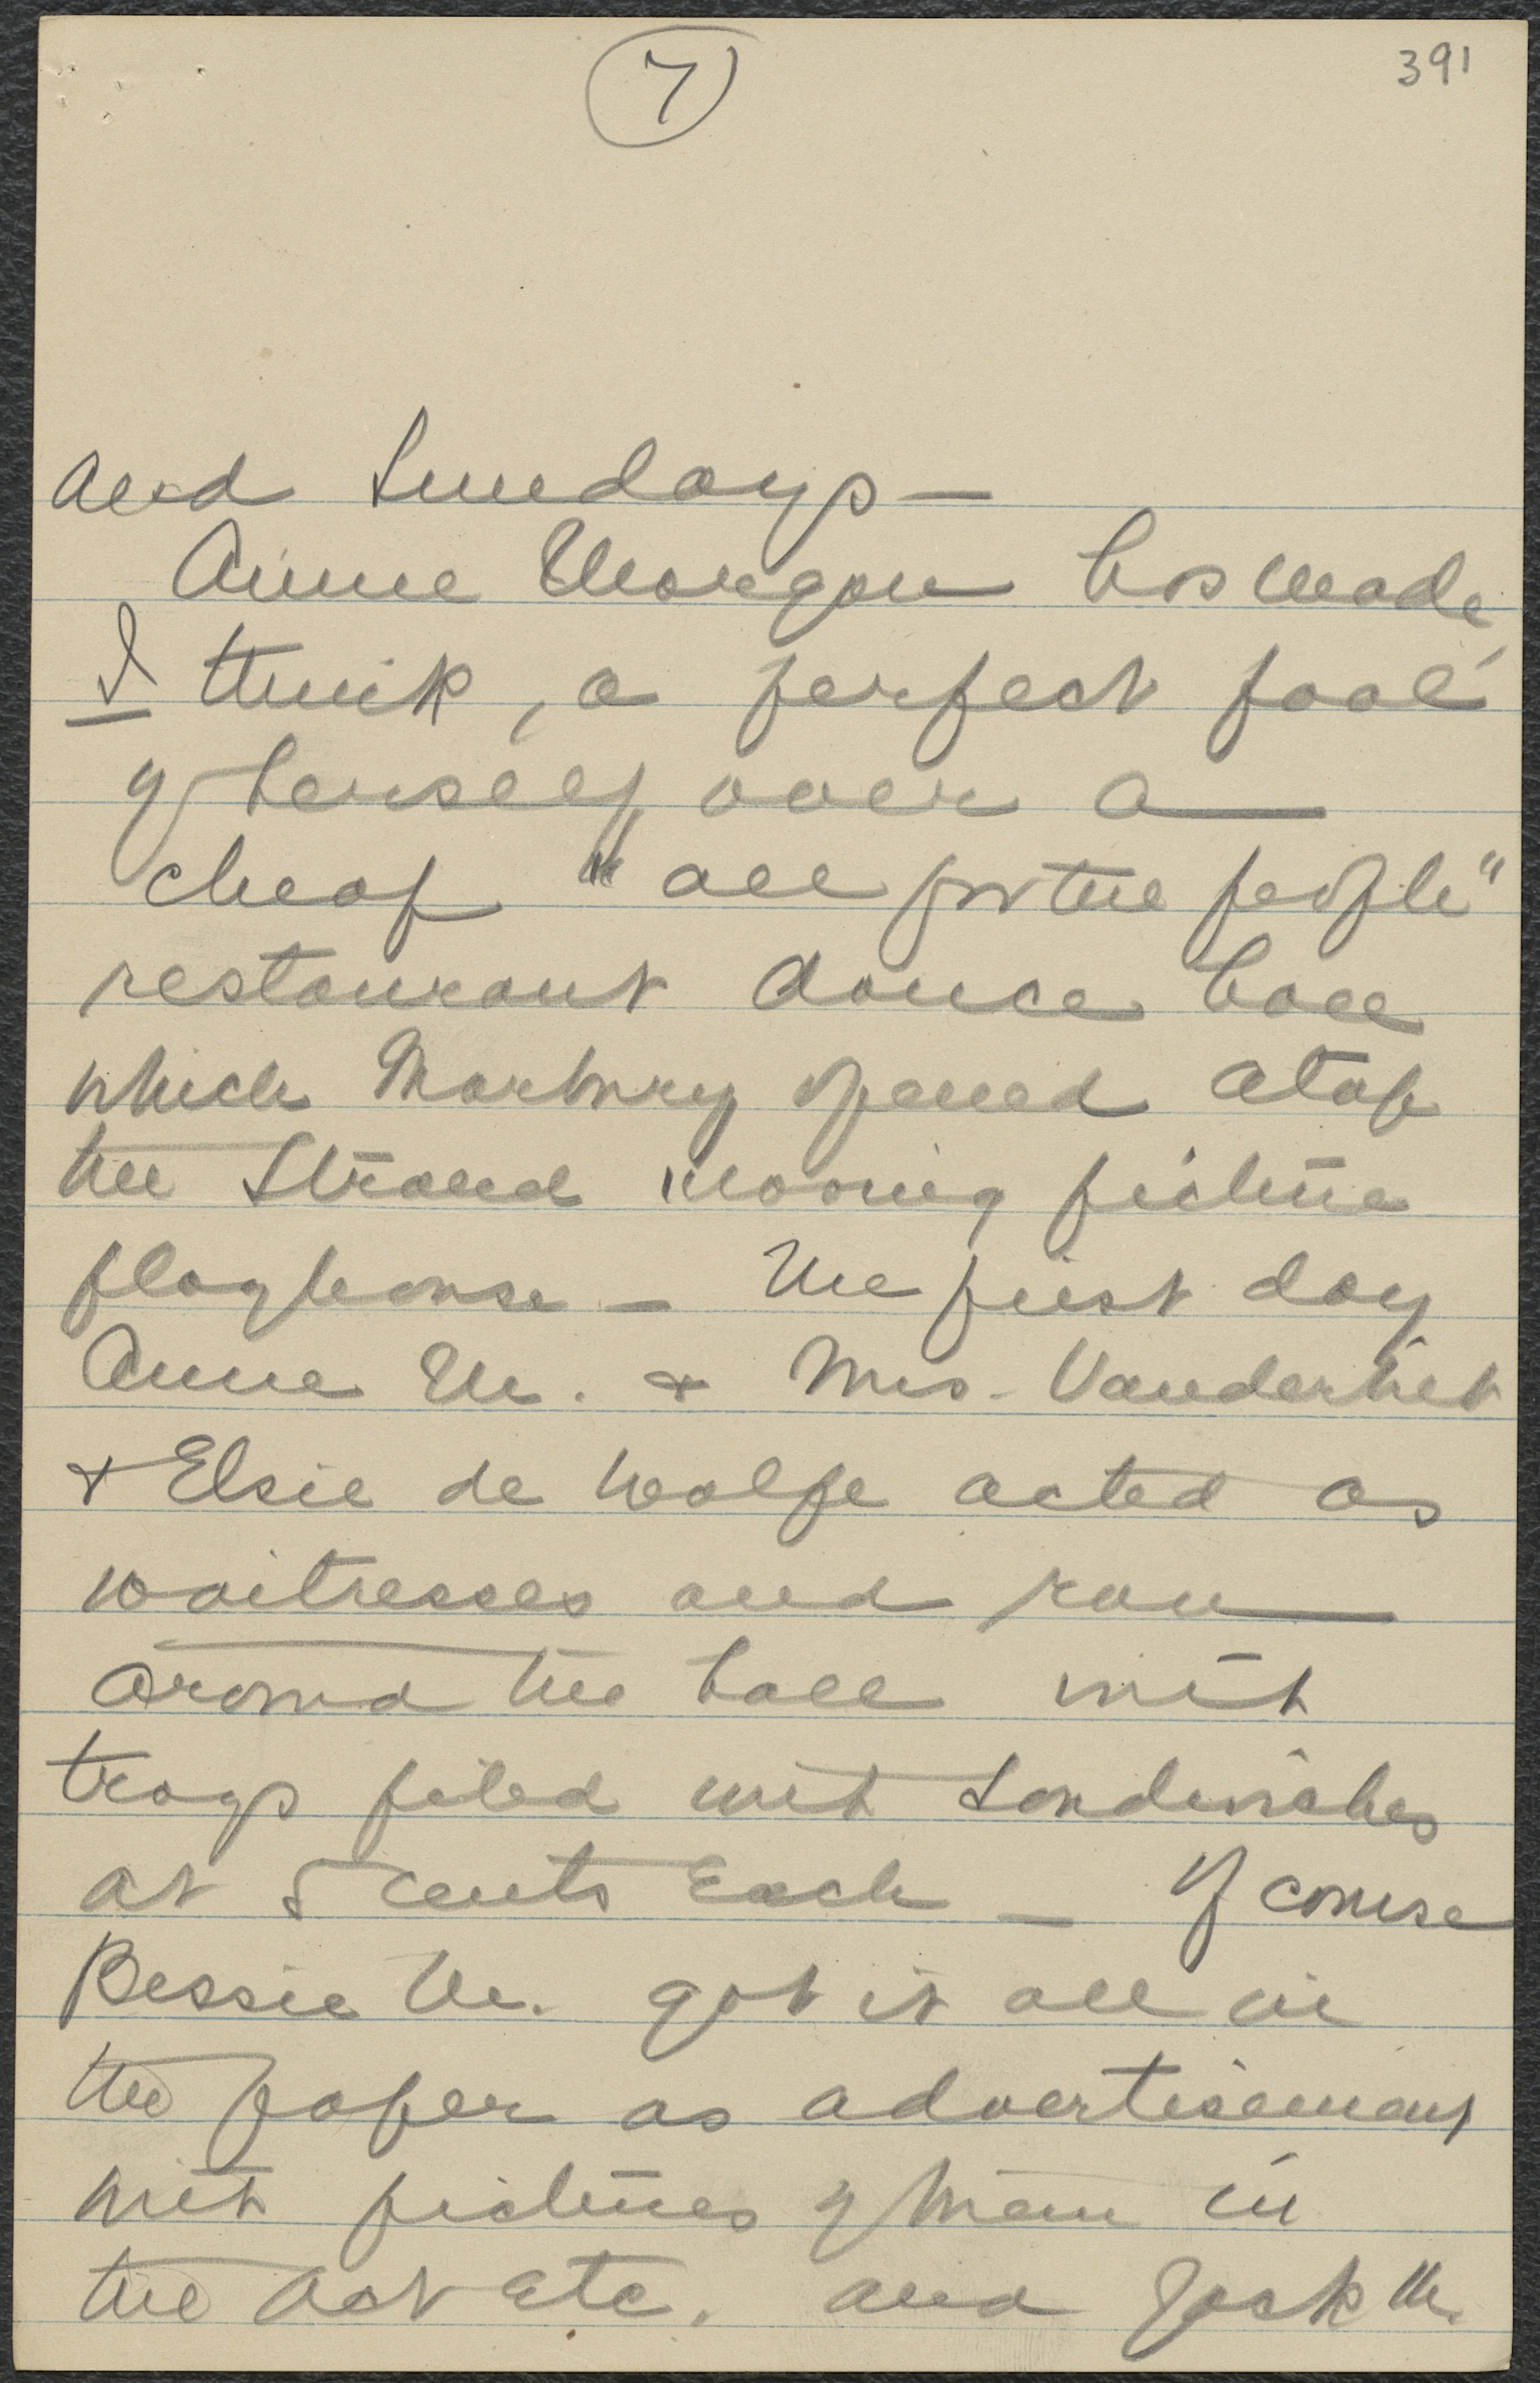and Sundays –
Annie Morgan has made, I think, a perfect fool of herself over a cheap “all for the people” restaurant dance ball which Marbury opened atop the Strand moving picture playhouse – The first day Annie M. & Mrs Vanderbilt & Elsie de Wolfe acted as waitresses and ran around the ball with trays filled with sandwiches at 5 cents each – of course Bessie M. got it all in the paper as advertisement with pictures of them in the act etc. and Jack M.